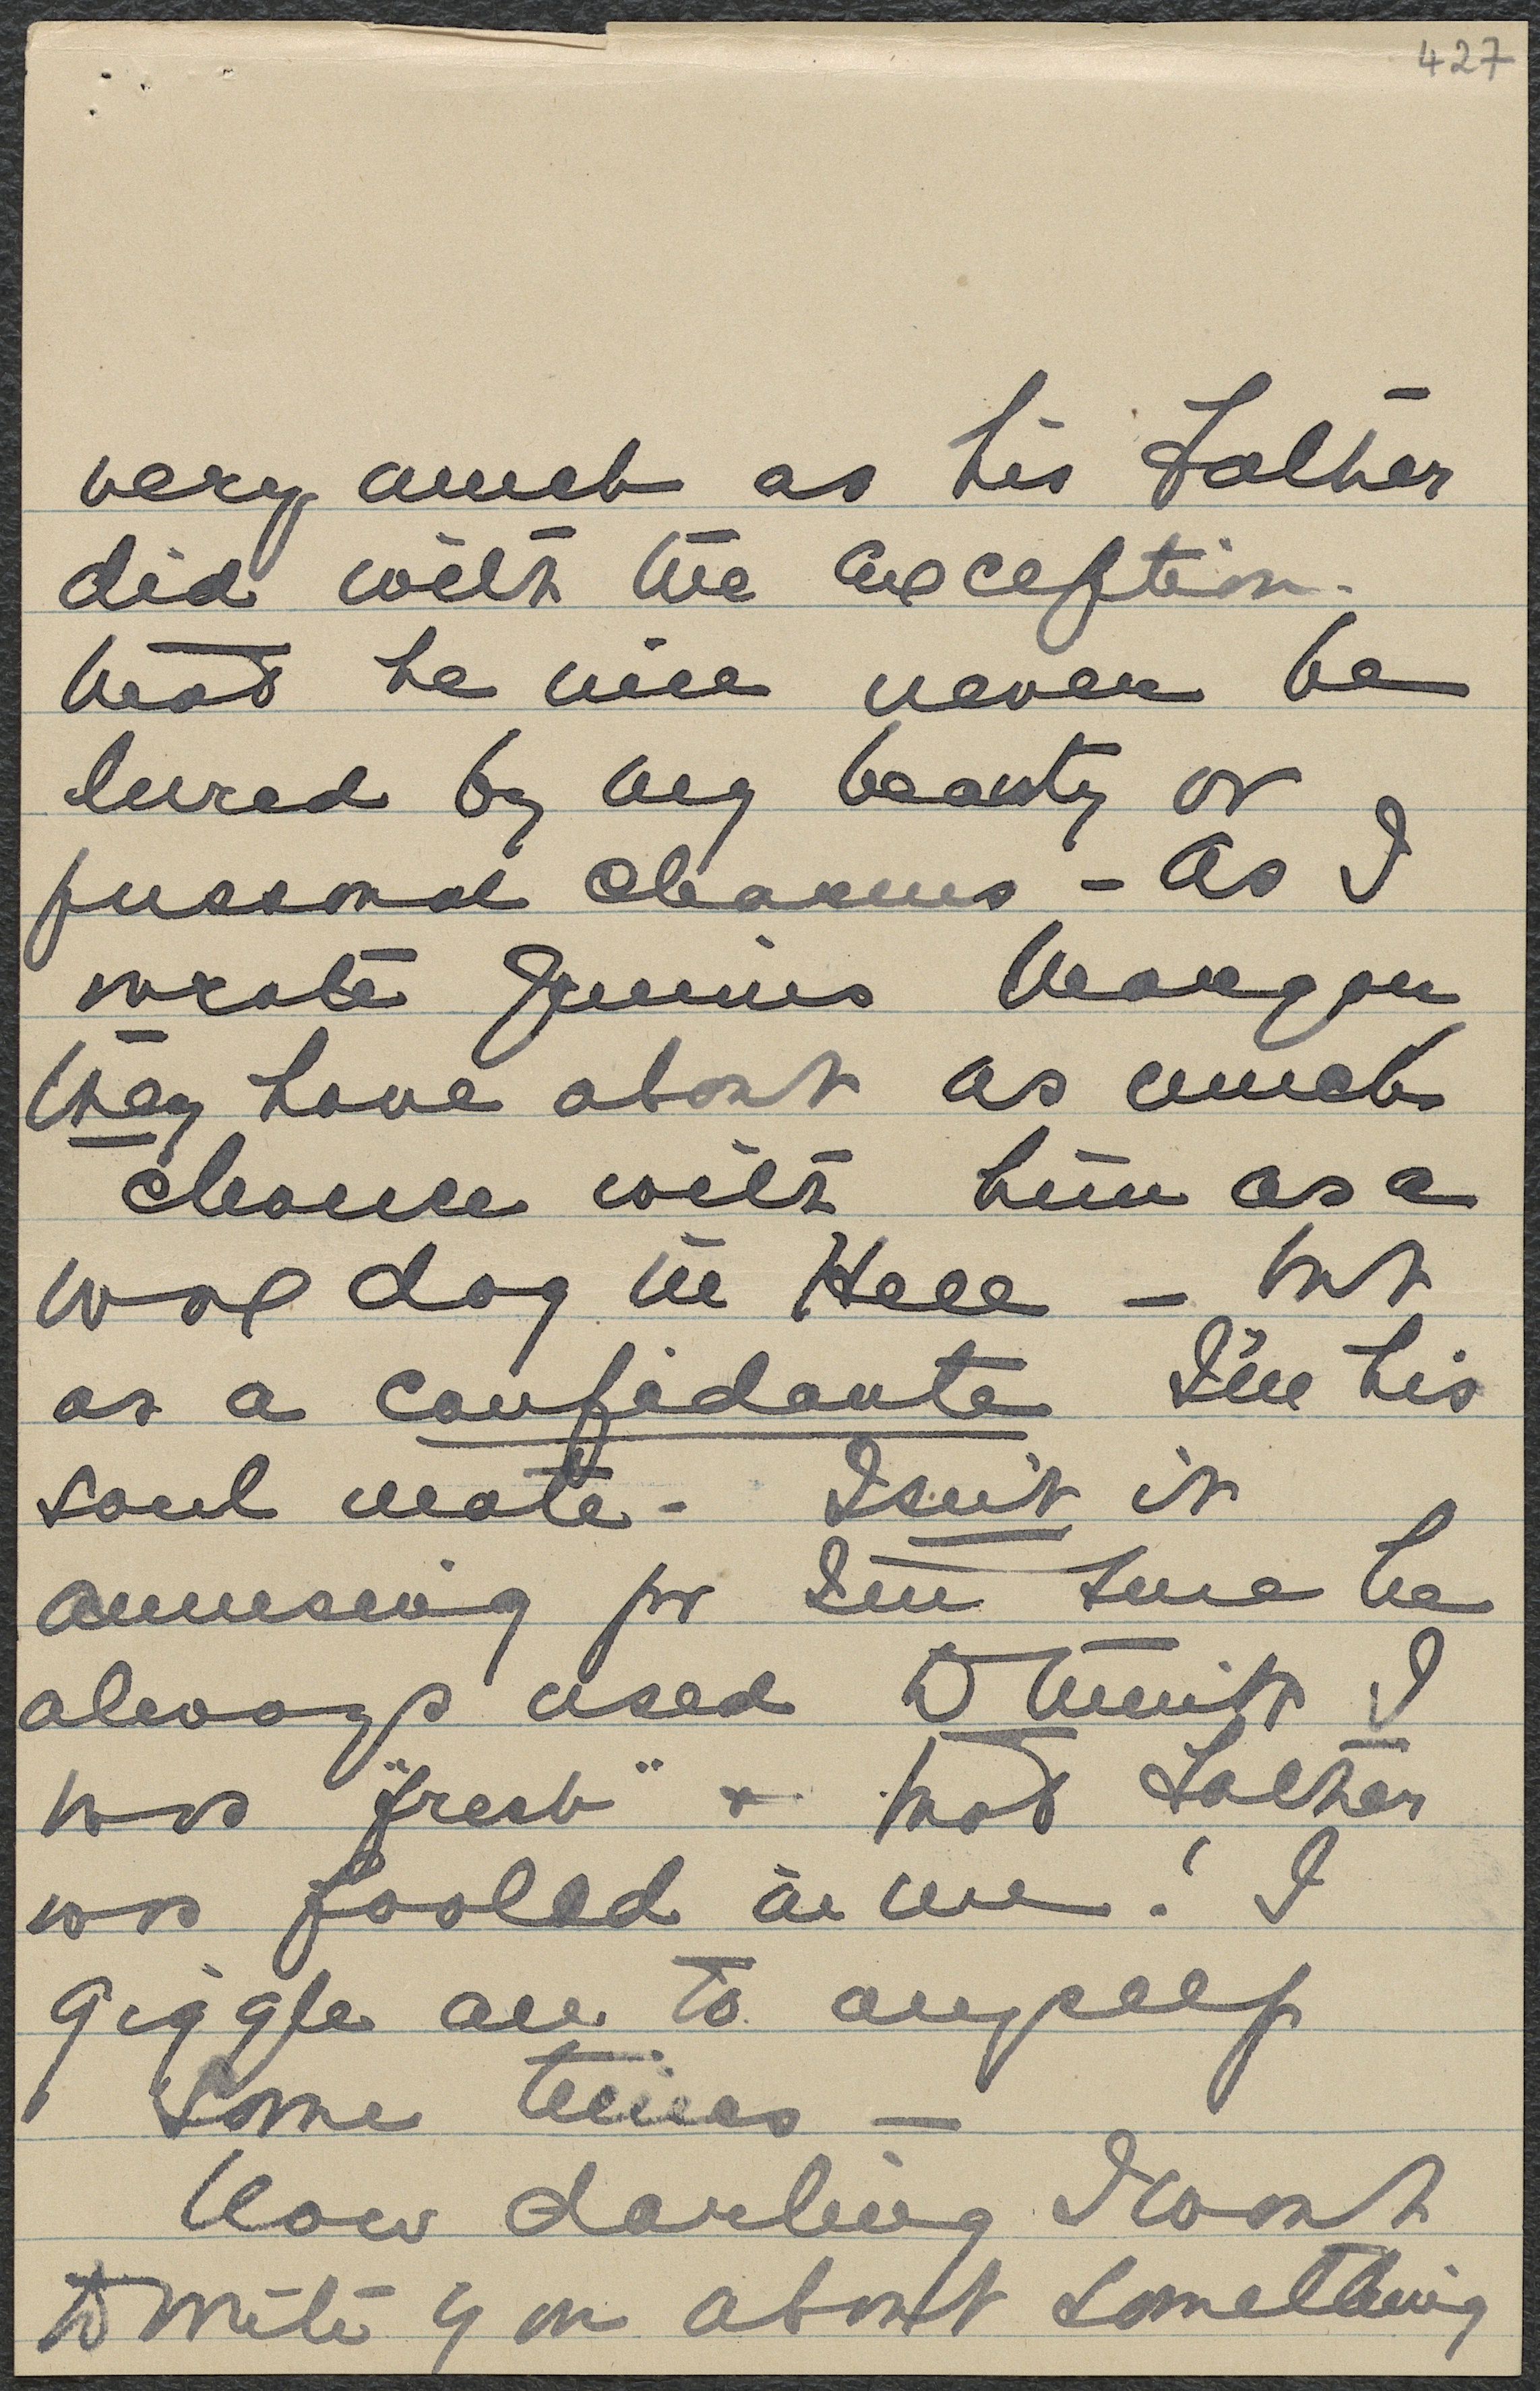very much as his Father did with the exception that he will never be lured by any beauty or personal charms – as I wrote Junius Morgan they have about as much chance with him as a wax dog in Hell – but as a confidante I’m his soul mate – Isn’t it amusing for I’m sure he always used to think I was “fresh” & that Father was fooled in me! I giggle all to myself some times –
Now darling I want to write you about something